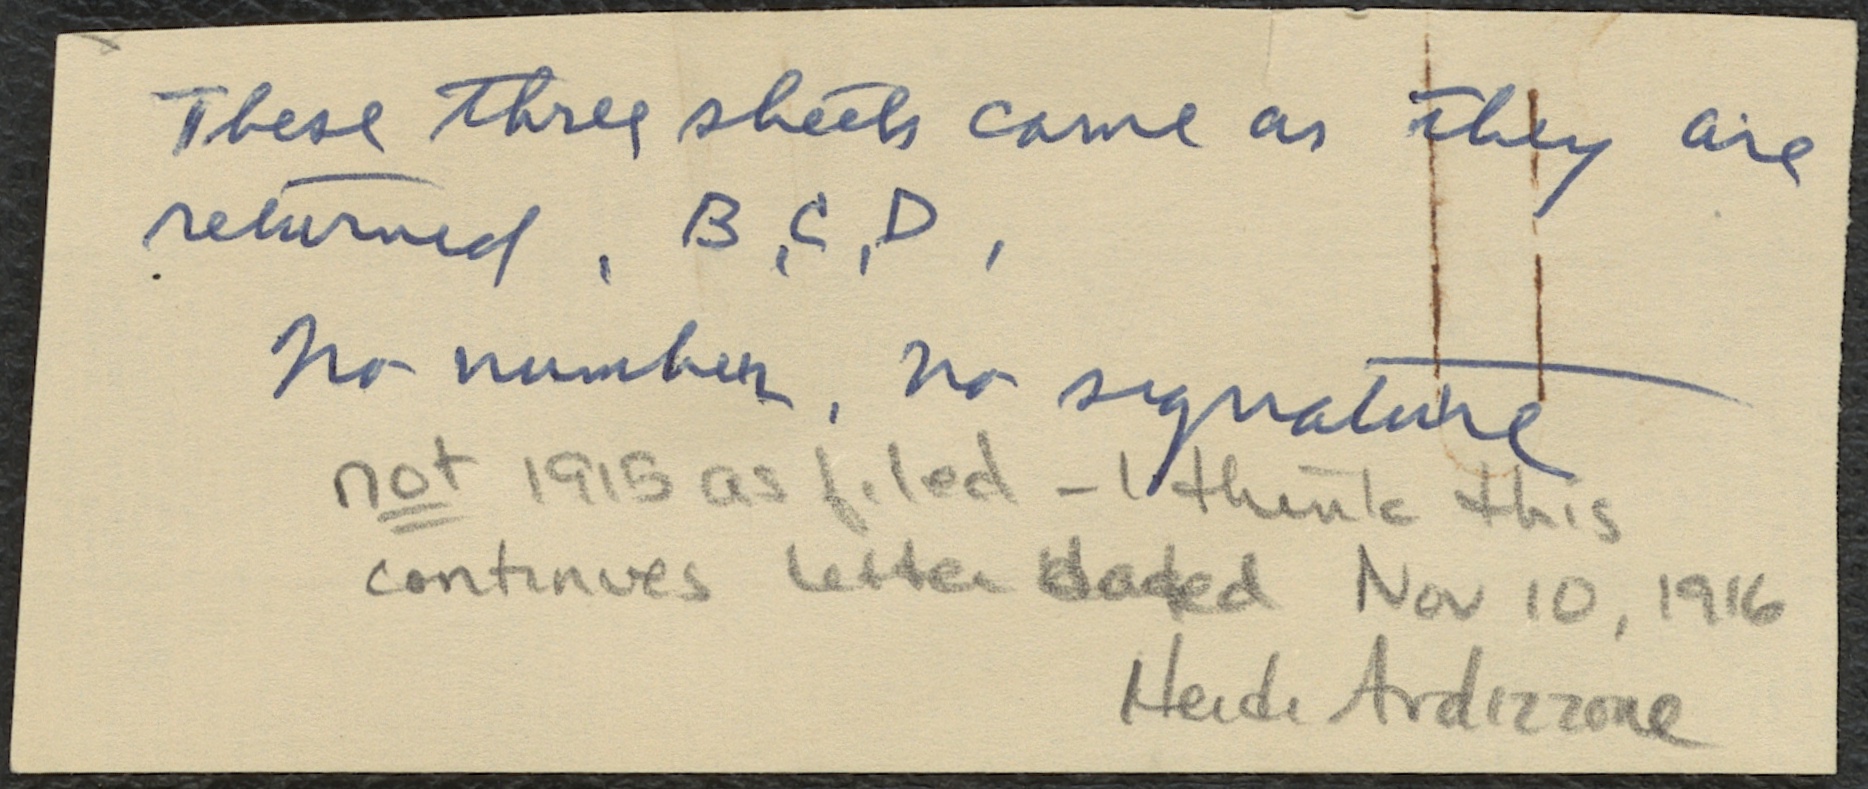[written in later hand in blue ink: These three sheets came as they are returned, B, C, D,
no number, nor signature]
[written in a later hand in pencil: not 1915 as filed – I think this continues letter dated Nov 10, 1916
Heidi Ardizzone]